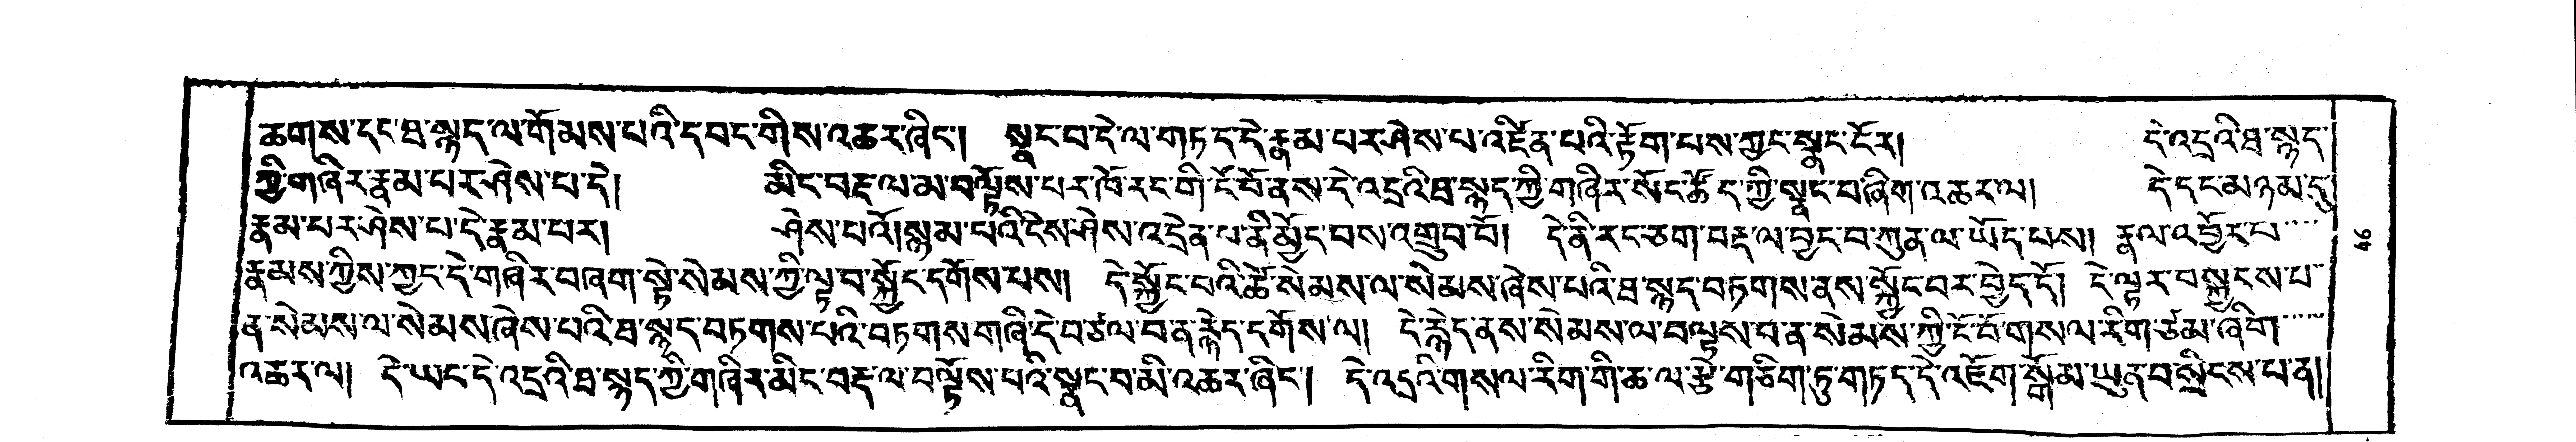ཆགས་དང་ཐ་སྙད་ལ་གོམས་པའི་དབང་གིས་འཆར་ཞིང་། སྣང་བ་དེ་ལ་གཏད་དེ་རྣམ་པར་ཤེས་པ་འཛིན་པའི་རྟོག་པས་ཀྱང་སྣང་ངོར། དེ་འདྲའི་ཐ་སྙད་
ཀྱི་གཞིར་རྣམ་པར་ཤེས་པ་དེ། མིང་བརྡ་ལ་མ་བལྟོས་པར་ཁོ་རང་གི་ངོ་བོ་ནས་དེ་འདྲའི་ཐ་སྙད་ཀྱི་གཞིར་སོང་ཚོད་ཀྱི་སྣང་བ་ཞིག་འཆར་ལ། དེ་དང་མཉམ་དུ་
རྣམ་པར་ཤེས་པ་དེ་རྣམ་པར། ཤེས་པའོ། སྙམ་པའི་ངེས་ཤེས་འདྲེན་པ་ནི་མྱོང་བས་འགྲུབ་བོ། དེ་ནི་རང་ཅག་བརྡ་ལ་བྱང་བ་ཀུན་ལ་ཡོད་པས། རྣལ་འབྱོར་པ་
རྣམས་ཀྱིས་ཀྱང་དེ་གཞིར་བཞག་སྟེ་སེམས་ཀྱི་ལྟ་བ་སྐྱོང་དགོས་པས། དེ་སྐྱོང་བའི་ཚེ་སེམས་ལ་སེམས་ཞེས་པའི་ཐ་སྙད་བཏགས་ནས་སྐྱོང་བར་བྱེད་དོ། དེ་ལྟར་བསྐྱངས་པ་
ན་སེམས་ལ་སེམས་ཞེས་པའི་ཐ་སྙད་བཏགས་པའི་བཏགས་གཞི་དེ་བཙལ་བ་ན་རྙེད་དགོས་ལ། དེ་རྙེད་ནས་སེམས་ལ་བལྟས་བ་ན་སེམས་ཀྱི་ངོ་བོ་གསལ་རིག་ཙམ་ཞིག་
འཆར་ལ། དེ་ཡང་དེ་འདྲའི་ཐ་སྙད་ཀྱི་གཞིར་མིང་བརྡ་ལ་བལྟོས་པའི་སྣང་བ་མི་འཆར་ཞིང་། དེ་འདྲའི་གསལ་རིག་གི་ཆ་ལ་རྩེ་གཅིག་ཏུ་གཏད་དེ་འཇོག་སྒོམ་ཡུན་བསྲིངས་པ་ན།